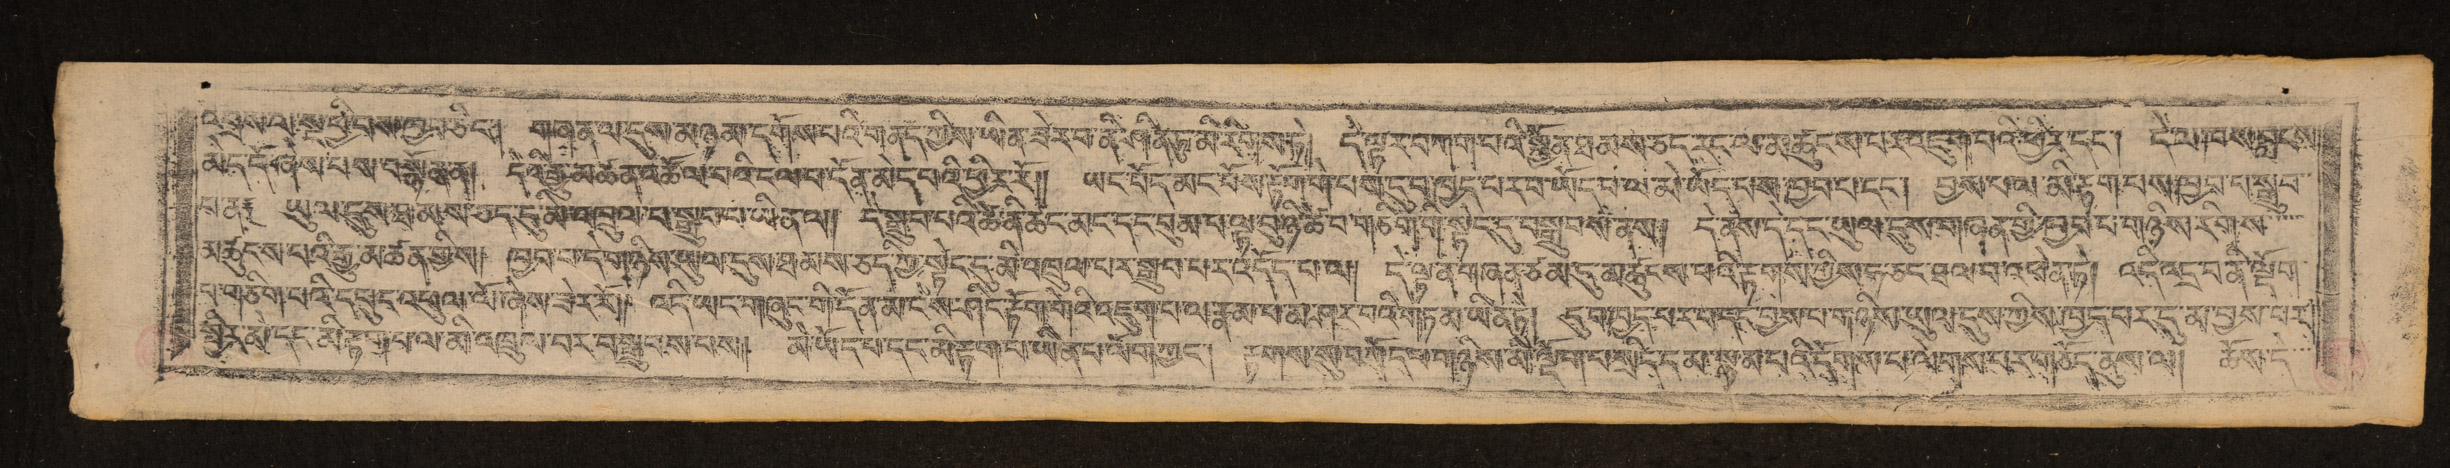འབྲས་ལ་སྔ་ཕྱི་བས་ཁྱབ་ཅིང་། གཞན་ལ་དུས་མཉམ་དགོས་པའི་གནད་ཀྱིས་ཡིན་ཟེར་བ་ནི་ཤིན་ཏུ་མི་རིགས་ཏེ། དེ་ལྟར་བཀག་པའི་སྐྱོན་ཐམས་ཅད་རང་ལ་མཚུངས་པར་འཇུག་པའི་ཕྱིར་དང་། དེ་ལ་ཁས་བླངས་
མེད་དོ་ཞེས་པས་བསྙོན་ན། དེའི་རྒྱུ་མཚན་འཚོལ་བའི་ངལ་བ་དོན་མེད་པའི་ཕྱིར་རོ།། ཡང་བོད་མང་པོས་རྟོག་གེ་པས་དུ་བ་ཁྱད་པར་བ་ཡོད་པ་ལ་མེ་ཡོད་པས་ཁྱབ་པ་དང་། བྱས་པ་ལ་མི་རྟག་པས་ཁྱབ་པ་སྒྲུབ་
པ་ན། ཡུལ་དུས་ཐམས་ཅད་དུ་མི་འཁྲུལ་བ་སྒྲུབ་པ་ཡིན་ལ། དེ་སྒྲུབ་པའི་ཚེ་ནི་ཚང་མང་དང་བུམ་པ་ལྟ་བུ་ཉི་ཚེ་བ་གཅིག་གི་སྟེང་དུ་བསྒྲུབས་ནས། དེ་ནས་དེ་དང་ཡུལ་དུས་གཞན་གྱི་ཁྱབ་པ་གཉིས་རིགས་
མཚུངས་པའི་རྒྱུ་མཚན་གྱིས། ཁྱབ་པ་དེ་གཉིས་ཡུལ་དུས་ཐམས་ཅད་ཀྱི་སྟེང་དུ་མི་འཁྲུལ་པར་སྒྲུབ་པར་འདོད་པ་ལ། དེ་ལྟ་ན་གཞན་ཙམ་དུ་མཚུངས་པའི་རྟགས་ཀྱིས་ཧ་ཅང་ཐལ་བ་འཕེན་ཏེ། འདི་འདྲ་བ་ནི་ལྡོག་
པ་གཅིག་པའི་དཔུང་འཕུལ་ལོ་ཞེས་ཟེར་རོ།། འདི་ཡང་གཞུང་གི་དོན་མ་ངེས་ཤིང་རྟོག་གེའི་འཇུག་པ་ལ་རྣམ་པ་མ་ཤར་བའི་གཏམ་ཡིན་ཏེ། དུ་བ་ཁྱད་པར་བ་དང་བྱས་པ་གཉིས་ཡུལ་དུས་ཀྱིས་ཁྱད་པར་དུ་མ་བྱས་པར།
སྤྱིར་མེ་དང་མི་རྟག་པ་ལ་མི་འཁྲུལ་བར་བསྒྲུབས་པས། མེ་ཡོད་པ་དང་མི་རྟག་པ་ཡིན་པ་ལོག་ཀྱང་། རྟགས་སུ་བཀོད་པ་གཉིས་མི་ལྡོག་པ་སྲིད་དམ་སྙམ་པའི་དོགས་པ་ལེགས་པར་གཅོད་ནུས་ལ། ཆོས་དེ་